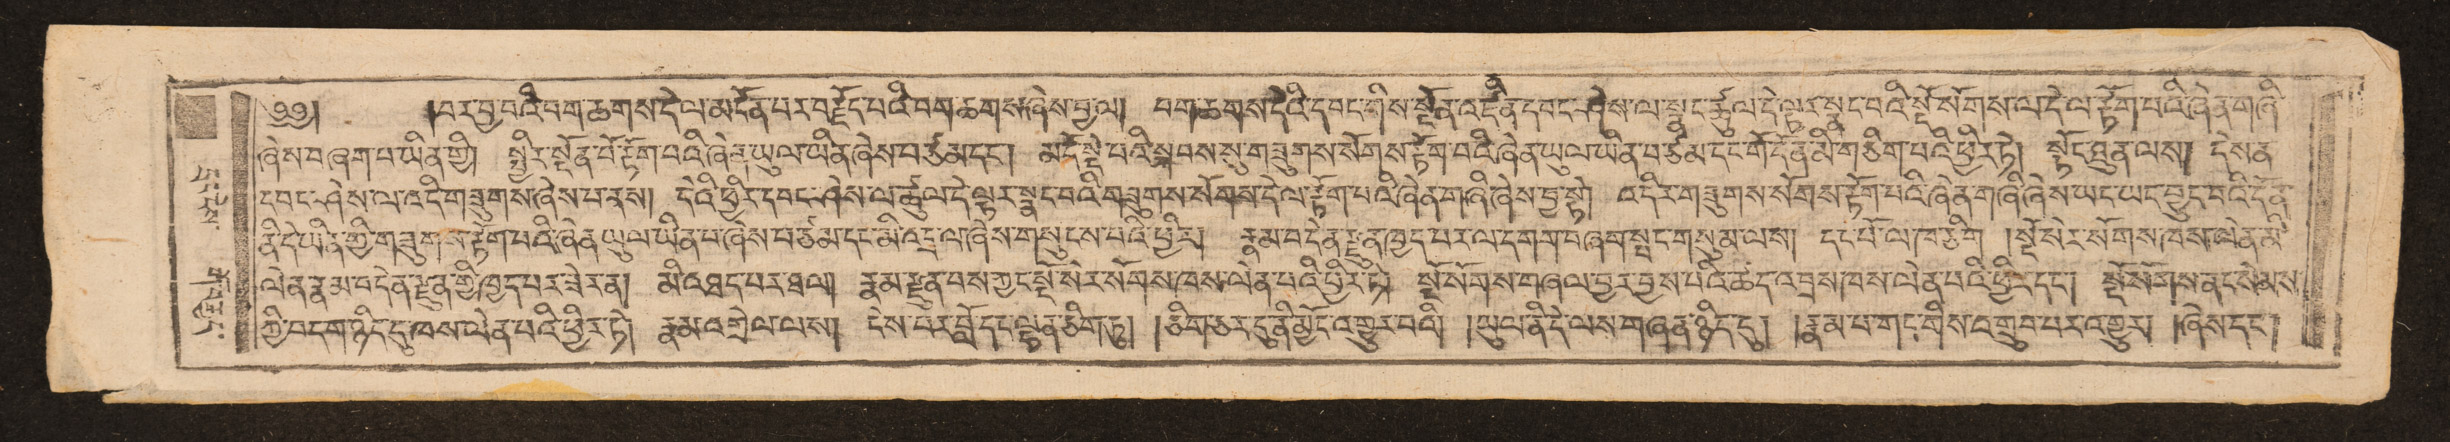༄༅། །བར་བྱ་བའི་བག་ཆགས་དེ་ལ་མངོན་པར་བརྗོད་པའི་བག་ཆགས་ཞེས་བྱ་ལ། བག་ཆགས་དེའི་དབང་གིས་སྔོན་འཛིན་དབང་ཤེས་ལ་སྣང་ཚུལ་དེ་ལྟར་སྣང་བའི་སྔོ་སོགས་ལ་དེ་ལ་རྟོག་པའི་ཞེན་གཞི་
ཞེས་བཞག་པ་ཡིན་གྱི། སྤྱིར་སྔོན་པོ་རྟོག་པའི་ཞེན་ཡུལ་ཡིན་ཞེས་པ་ཙམ་དང་། མདོ་སྡེ་པའི་སྐབས་སུ་གཟུགས་སོགས་རྟོག་པའི་ཞེན་ཡུལ་ཡིན་པ་ཙམ་དང་གོ་དོན་མི་གཅིག་པའི་ཕྱིར་ཏེ། སྟོང་ཐུན་ལས། དེས་ན་
དབང་ཤེས་ལ་འདི་གཟུགས་ཞེས་པ་ནས། དེའི་ཕྱིར་དབང་ཤེས་ལ་ཚུལ་དེ་ལྟར་སྣང་བའི་གཟུགས་སོགས་དེ་ལ་རྟོག་པའི་ཞེན་གཞི་ཞེས་བྱ་སྟེ། འདིར་གཟུགས་སོགས་རྟོག་པའི་ཞེན་གཞི་ཞེས་ཡང་ཡང་བྱུང་བའི་དོན་
ནི་དེ་ཡིན་གྱི་གཟུགས་རྟོག་པའི་ཞེན་ཡུལ་ཡིན་པ་ཞེས་པ་ཙམ་དང་མི་འདྲ་ལ་ཞེས་གསུངས་པའི་ཕྱིར། རྣམ་བདེན་རྫུན་ཁྱད་པར་ལ་དགག་བཞག་སྤང་གསུམ་ལས། དང་པོ་ལ་ཁ་ཅིག །སྔོ་སེར་སོགས་ཁས་ལེན་མི་
ལེན་རྣམ་བདེན་རྫུན་གྱི་ཁྱད་པར་ཟེར་ན། མི་འཐད་པར་ཐལ། རྣམ་རྫུན་པས་ཀྱང་སྔོ་སེར་སོགས་ཁས་ལེན་པའི་ཕྱིར་ཏེ། སྔོ་སོགས་གཞལ་བྱར་བྱས་པའི་ཚད་འབྲས་ཁས་ལེན་པའི་ཕྱིར་དང་། སྔོ་སོགས་ནང་སེམས་
ཀྱི་བདག་ཉིད་དུ་ཁས་ལེན་པའི་ཕྱིར་ཏེ། རྣམ་འགྲེལ་ལས། ངེས་པར་བློ་དང་ལྷན་ཅིག་ཏུ། །ཅིག་ཅར་དུ་ནི་མྱོང་འགྱུར་བའི། །ཡུལ་ནི་དེ་ལས་གཞན་ཉིད་དུ། །རྣམ་པ་གང་གིས་འགྲུབ་པར་འགྱུར། །ཞེས་དང་།